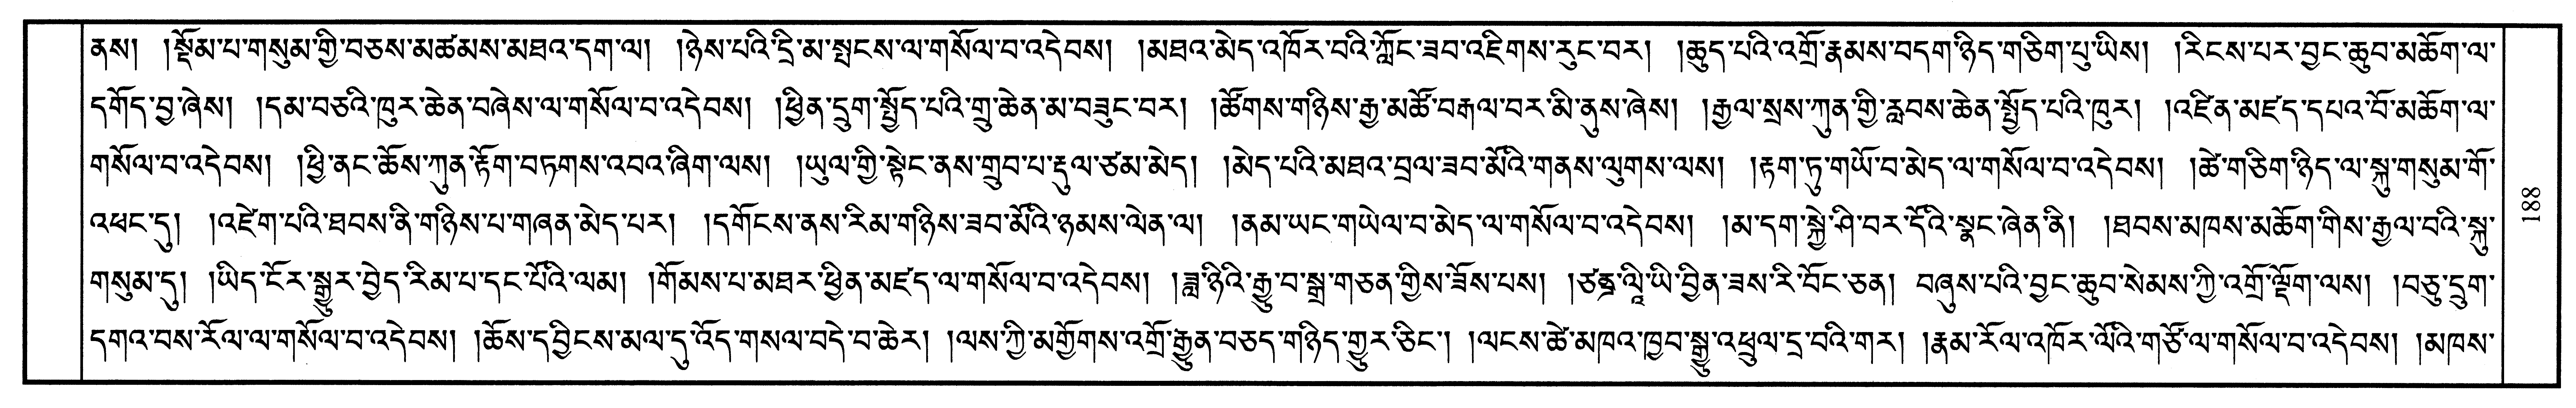ནས། །སྡོམ་པ་གསུམ་གྱི་བཅས་མཚམས་མཐའ་དག་ལ། །ཉེས་པའི་དྲི་མ་སྤངས་ལ་གསོལ་བ་འདེབས། །མཐའ་མེད་འཁོར་བའི་ཀློང་ཟབ་འཇིགས་རུང་བར། །ཆུད་པའི་འགྲོ་རྣམས་བདག་ཉིད་གཅིག་པུ་ཡིས། །རིངས་པར་བྱང་ཆུབ་མཆོག་ལ་
དགོད་བྱ་ཞེས། །དམ་བཅའི་ཁུར་ཆེན་བཞེས་ལ་གསོལ་བ་འདེབས། །ཕྱིན་དྲུག་སྤྱོད་པའི་གྲུ་ཆེན་མ་བཟུང་བར། །ཚོགས་གཉིས་རྒྱ་མཚོ་བརྒལ་བར་མི་ནུས་ཞེས། །རྒྱལ་སྲས་ཀུན་གྱི་རླབས་ཆེན་སྤྱོད་པའི་ཁུར། །འཛིན་མཛད་དཔའ་བོ་མཆོག་ལ་
གསོལ་བ་འདེབས། །ཕྱི་ནང་ཆོས་ཀུན་རྟོག་བཏགས་འབའ་ཞིག་ལས། །ཡུལ་གྱི་སྟེང་ནས་གྲུབ་པ་རྡུལ་ཙམ་མེད། །མེད་པའི་མཐའ་བྲལ་ཟབ་མོའི་གནས་ལུགས་ལས། །རྟག་ཏུ་གཡོ་བ་མེད་ལ་གསོལ་བ་འདེབས། །ཚེ་གཅིག་ཉིད་ལ་སྐུ་གསུམ་གོ་
འཕང་དུ། །འཛེག་པའི་ཐབས་ནི་གཉིས་པ་གཞན་མེད་པར། །དགོངས་ནས་རིམ་གཉིས་ཟབ་མོའི་ཉམས་ལེན་ལ། །ནམ་ཡང་གཡེལ་བ་མེད་ལ་གསོལ་བ་འདེབས། །མ་དག་སྐྱེ་ཤི་བར་དོའི་སྣང་ཞེན་ནི། །ཐབས་མཁས་མཆོག་གིས་རྒྱལ་བའི་སྐུ་
གསུམ་དུ། །ཡིད་ངོར་སྒྱུར་བྱེད་རིམ་པ་དང་པོའི་ལམ། །གོམས་པ་མཐར་ཕྱིན་མཛད་ལ་གསོལ་བ་འདེབས། །ཟླ་ཉིའི་རྒྱུ་བ་སྒྲ་གཅན་གྱིས་ཟོས་པས། །ཙནྜ་ལཱི་ཡི་བྱིན་ཟས་རི་བོང་ཅན། །བཞུས་པའི་བྱང་ཆུབ་སེམས་ཀྱི་འགྲོ་ལྡོག་ལས། །བཅུ་དྲུག་
དགའ་བས་རོལ་ལ་གསོལ་བ་འདེབས། །ཆོས་དབྱིངས་མལ་དུ་འོད་གསལ་བདེ་བ་ཆེར། །ལས་ཀྱི་མགྱོགས་འགྲོ་རྒྱུན་བཅད་གཉིད་གྱུར་ཅིང་། །ལངས་ཚེ་མཁའ་ཁྱབ་སྒྱུ་འཕྲུལ་དྲ་བའི་གར། །རྣམ་རོལ་འཁོར་ལོའི་གཙོ་ལ་གསོལ་བ་འདེབས། །མཁས་